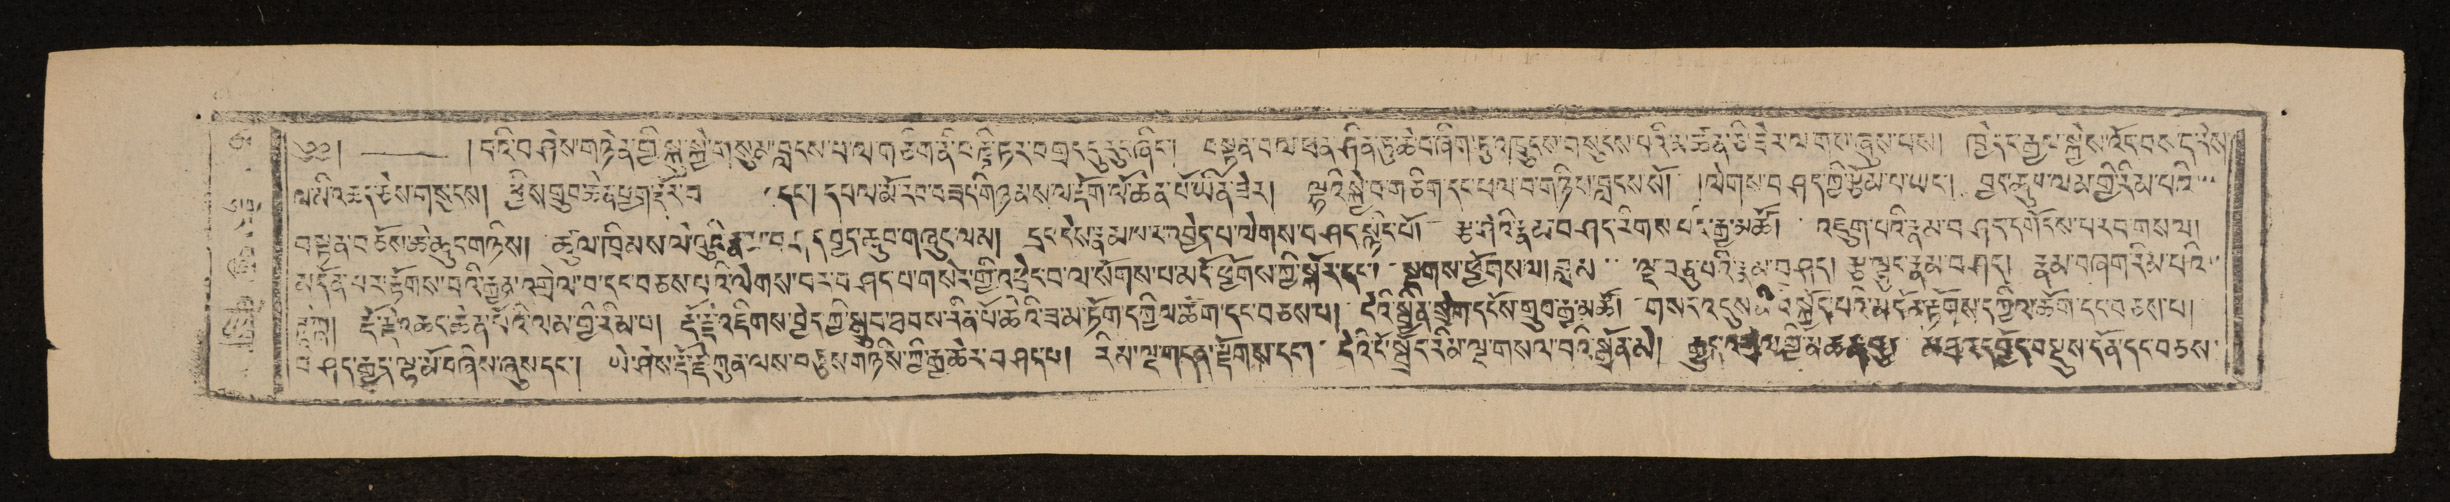༄༅། །པའི་བཤེས་གཉེན་གྱི་སྐུ་སྐྱེ་གསུམ་བླངས་པ་ལ་གཅིག་ནི་པཎྜི་ཏར་བགྲང་དུ་རུང་ཞིང་། བསྟན་པ་ལ་ཕན་ཤིན་ཏུ་ཆེ་བ་ཞིག་ཏུ་འཁྲུངས་གསུངས་པའི་མཚན་ཅི་ཟེར་ལགས་ཞུས་པས། ཁྱེད་ང་རྒྱལ་སྐྱེས་འོང་བས་ད་རེས་
ལ་མི་འཆད་ཅེས་གསུངས། ཕྱིས་གྲུབ་ཆེན་ཕྱག་རྡོར་བ་དང་། དཔལ་མོ་རབ་བཟང་གི་ཉམས་ལ་རྔོག་ལོ་ཆེན་པོ་ཡིན་ཟེར། ལྷའི་སྐྱེ་བ་གཅིག་དང་ཕལ་བ་གཉིས་བླངས་སོ། །ལེགས་བཤད་ཀྱི་རྩོམ་པ་ཡང་། བྱང་ཆུབ་ལམ་གྱི་རིམ་པའི་
བསྟན་བཅོས་ཆེ་ཆུང་གཉིས། ཚུལ་ཁྲིམས་ལེའུའི་རྣམ་བཤད་བྱང་ཆུབ་གཞུང་ལམ། དྲང་ངེས་རྣམ་པར་འབྱེད་པ་ལེགས་བཤད་སྙིང་པོ། རྩ་ཤེའི་རྣམ་བཤད་རིགས་པའི་རྒྱ་མཚོ། འཇུག་པའི་རྣམ་བཤད་དགོངས་པ་རབ་གསལ།
མངོན་པར་རྟོགས་པའི་རྒྱན་འགྲེལ་པ་དང་བཅས་པའི་ལེགས་པར་བཤད་པ་གསེར་གྱི་འཕྲེང་བ་ལ་སོགས་པ་མདོ་ཕྱོགས་ཀྱི་སྐོར་དང་། སྔགས་ཕྱོགས་ལ། བླ་མ་ལྔ་བཅུ་པའི་རྣམ་བཤད། རྩ་ལྟུང་རྣམ་བཤད། རྣམ་བཞག་རིམ་པའི་
ཊཱིཀྐ། རྡོ་རྗེ་འཆང་ཆེན་པོའི་ལམ་གྱི་རིམ་པ། རྡོ་རྗེ་འཇིགས་བྱེད་ཀྱི་སྒྲུབ་ཐབས་རིན་པོ་ཆེའི་ཟ་མ་ཏོག་དཀྱིལ་ཆོག་དང་བཅས་པ། དེའི་སྦྱིན་སྲེག་དངོས་གྲུབ་རྒྱ་མཚོ། གསང་འདུས་མི་བསྐྱོད་པའི་མངོན་རྟོགས་དཀྱིལ་ཆོག་དང་བཅས་པ།
བཤད་རྒྱུད་ལྷ་མོ་བཞིས་ཞུས་དང་། ཡེ་ཤེས་རྡོ་རྗེ་ཀུན་ལས་བཏུས་གཉིས་ཀྱི་རྒྱ་ཆེར་བཤད་པ། རིམ་ལྔ་གདན་རྫོགས་དང་། དེའི་ངོ་སྤྲོད་རིམ་ལྔ་གསལ་བའི་སྒྲོན་མེ། རྒྱུད་འགྲེལ་གྱི་མཆན་བུ། མཐའ་དཔྱོད་བསྡུས་དོན་དང་བཅས་